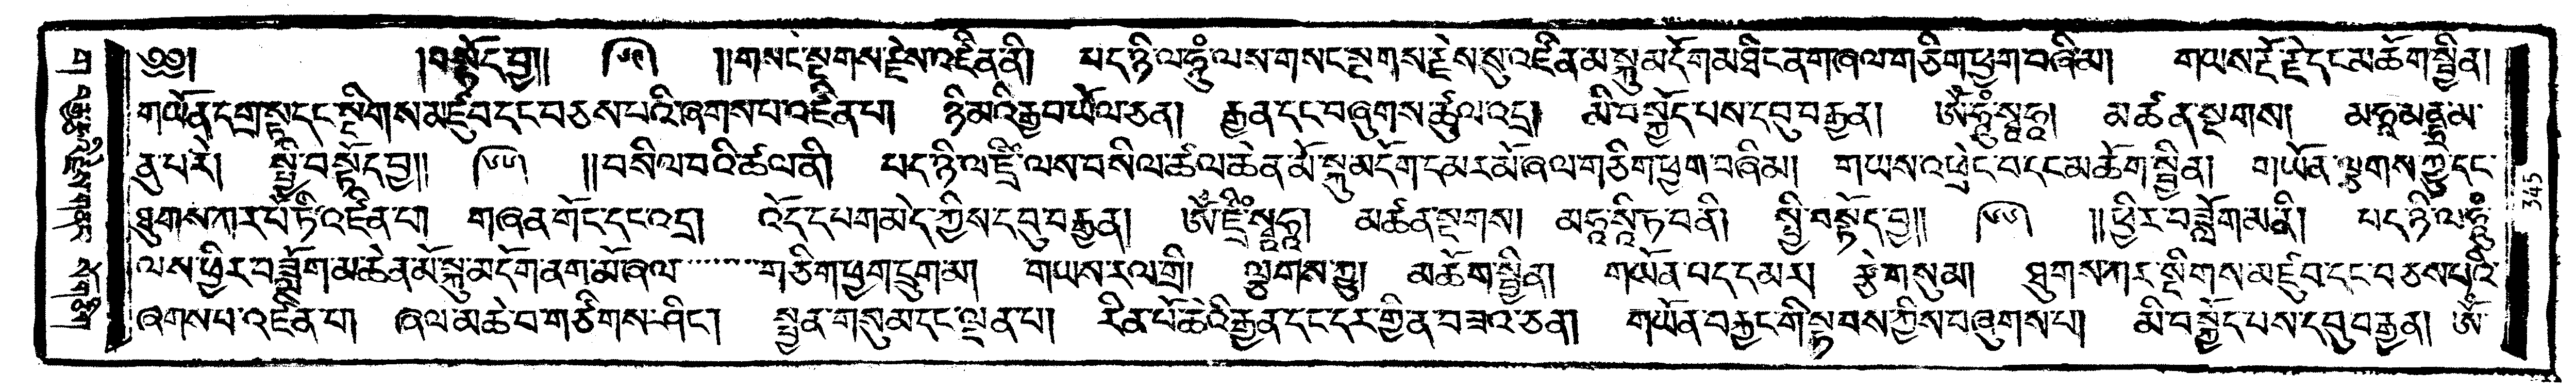༄༅། །བསྟོད་བྱ།། ༦༤?་།།གསང་སྔགས་རྗེས་འཛིན་ནི། པད་ཉི་ལ་ཧཱུཾ་ལས་གསང་སྔགས་རྗེས་སུ་འཛིན་མ་སྐུ་མདོག་མཐིང་ནག་ཞལ་གཅིག་ཕྱག་བཞི་མ། གཡས་རྡོ་རྗེ་དང་མཆོག་སྦྱིན།
གཡོན་དགྲ་སྟ་དང་སྡིགས་མཛུབ་དང་བཅས་པའི་ཞགས་པ་འཛིན་པ། ཉི་མའི་རྒྱབ་ཡོལ་ཅན། རྒྱན་དང་བཞུགས་ཚུལ་འདྲ། མི་བསྐྱོད་པས་དབུ་བརྒྱན། ཨོཾ་ཧཱུཾ་སྭཱཧཱ། མཚན་སྔགས། མཧཱ་མནྟྲ་མ་
ནུ་པ་རེ། སྤྱི་བསྟོད་བྱ།། ༦༥?་།།བསིལ་བའི་ཚལ་ནི། པད་ཉི་ལ་ཛྲིཾ་ལས་བསིལ་ཚལ་ཆེན་མོ་སྐུ་མདོག་དམར་མོ་ཞལ་གཅིག་ཕྱག་བཞིམ། གཡས་འཕྲེང་བ་དང་མཆོག་སྦྱིན། གཡོན་ལྕགས་ཀྱུ་དང་
ཐུགས་ཀར་པོ་ཏི་འཛིན་པ། གཞན་གོང་དང་འདྲ། འོད་དཔག་མེད་ཀྱིས་དབུ་བརྒྱན། ཨོཾ་ཛྲིཾ་སྭཱཧཱ། མཚན་སྔགས། མཧཱ་སཱི་ཏ་བ་ནི། སྤྱི་བསྟོད་བྱ།། ༦༦?་།།ཕྱིར་བཟློག་མ་ནི། པད་ཉི་ལ་ཧཱུཾ་
ལས་ཕྱིར་བཟློག་མ་ཆེན་མོ་སྐུ་མདོག་ནག་མོ་ཞལ་གཅིག་ཕྱག་དྲུག་མ། གཡས་རལ་གྲི། ལྕགས་ཀྱུ། མཆོག་སྦྱིན། གཡོན་པད་དམར། རྩེ་གསུམ། ཐུགས་ཀར་སྡིགས་མཛུབ་དང་བཅས་པའི་
ཞགས་པ་འཛིན་པ། ཞལ་མཆེ་བ་གཙིགས་ཤིང་། སྤྱན་གསུམ་དང་ལྡན་པ། རིན་པོ་ཆེའི་རྒྱན་དང་དར་གྱི་ན་བཟའ་ཅན། གཡོན་བརྐྱང་གི་སྟབས་ཀྱིས་བཞུགས་པ། མི་བསྐྱོད་པས་དབུ་བརྒྱན། ཨོཾ་